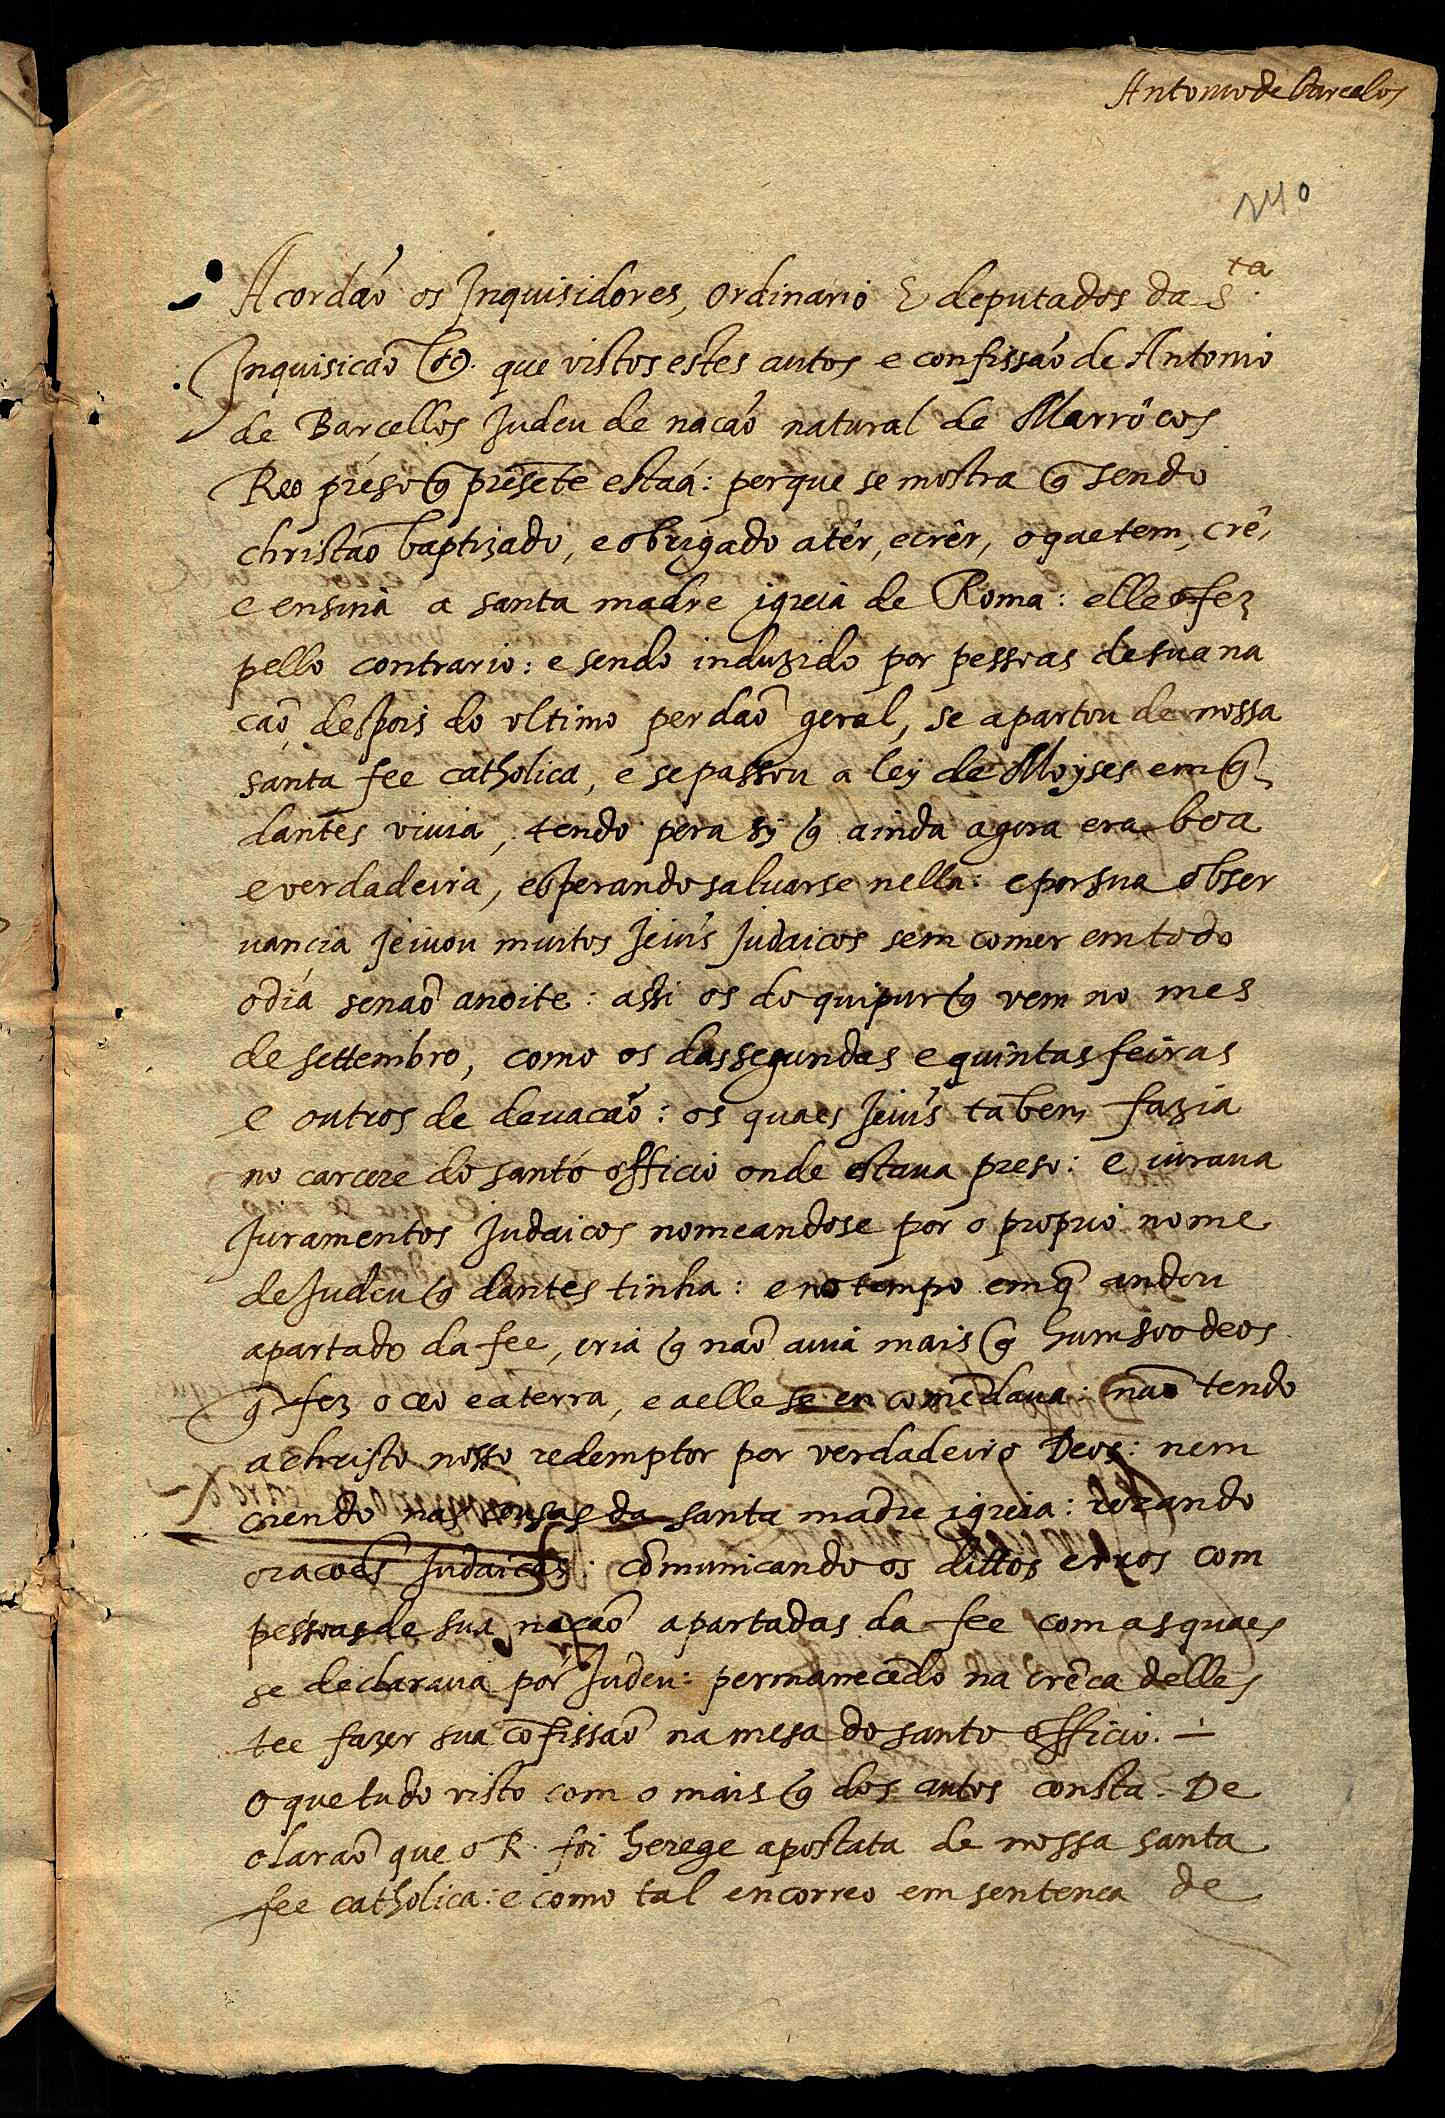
Antonio de barcelos
Acordaõ os Jnquisidores, ordinario E deputados da sta.
Jnquisição Etc̄. que vistos estes autos e confissaõ de Antonio
de Barcellos Judeu de naçaõ natural de Marrôcos
Reo preso q̄ presēte estaá: per que se mostra q̄ sendo
christao baptizado, e obrigado a têr, e crêr, o que tem, crê,
e ensina a santa madre igreia de Roma: elle o fez
pello contrario: e sendo induzido por pessoas de sua na
caõ, despois do vltimo perdaõ geral, se apartou de nossa
santa fee catholica, e se passou a ley de Moyses em q̄
dantes viuia, tendo pera sy q̄ ainda agora era boa
e verdadeira, esperando saluarse nella: e por sua obser
uançia Jeiuou muitos Jeiūs Judaicos sem comer em todo
o dia senaõ a noite: assi os do quipur q̄ vem no mes
de settembro, como os das segundas e quintas feiras
e outros de deuoçaõ: os quaes Jeiūs tābem fazia
no carcere do santo officio onde estaua preso: e iuraua
Juramentos Judaicos nomeandose por o proprio nome
de Judeu q̄ dantes tinha: e no tempo. em q̄ andou
apartado da fee, cria q̄ naõ auia mais q̄ hum soo deos
q̄ fez o çeo e a terra, e a elle se encomēdaua: não tendo
a christo nosso redemptor por verdadeiro Deos: nem
crendo nas cousas da santa madre igreia: rezando
oracoēs Judaicas: cōmunicando os dittos erros com
pessoas de sua naçaõ apartadas da fee com as quaes
se declaraua por Judeu: permanecēdo na crēca delles
tee fazer sua cōfissaõ na mesa do santo officio. -
o que tudo visto com o mais q̄ dos autos consta. De
claraõ que o R. foi herege apostata de nossa santa
fee catholica: e como tal encorreo em sentenca de
